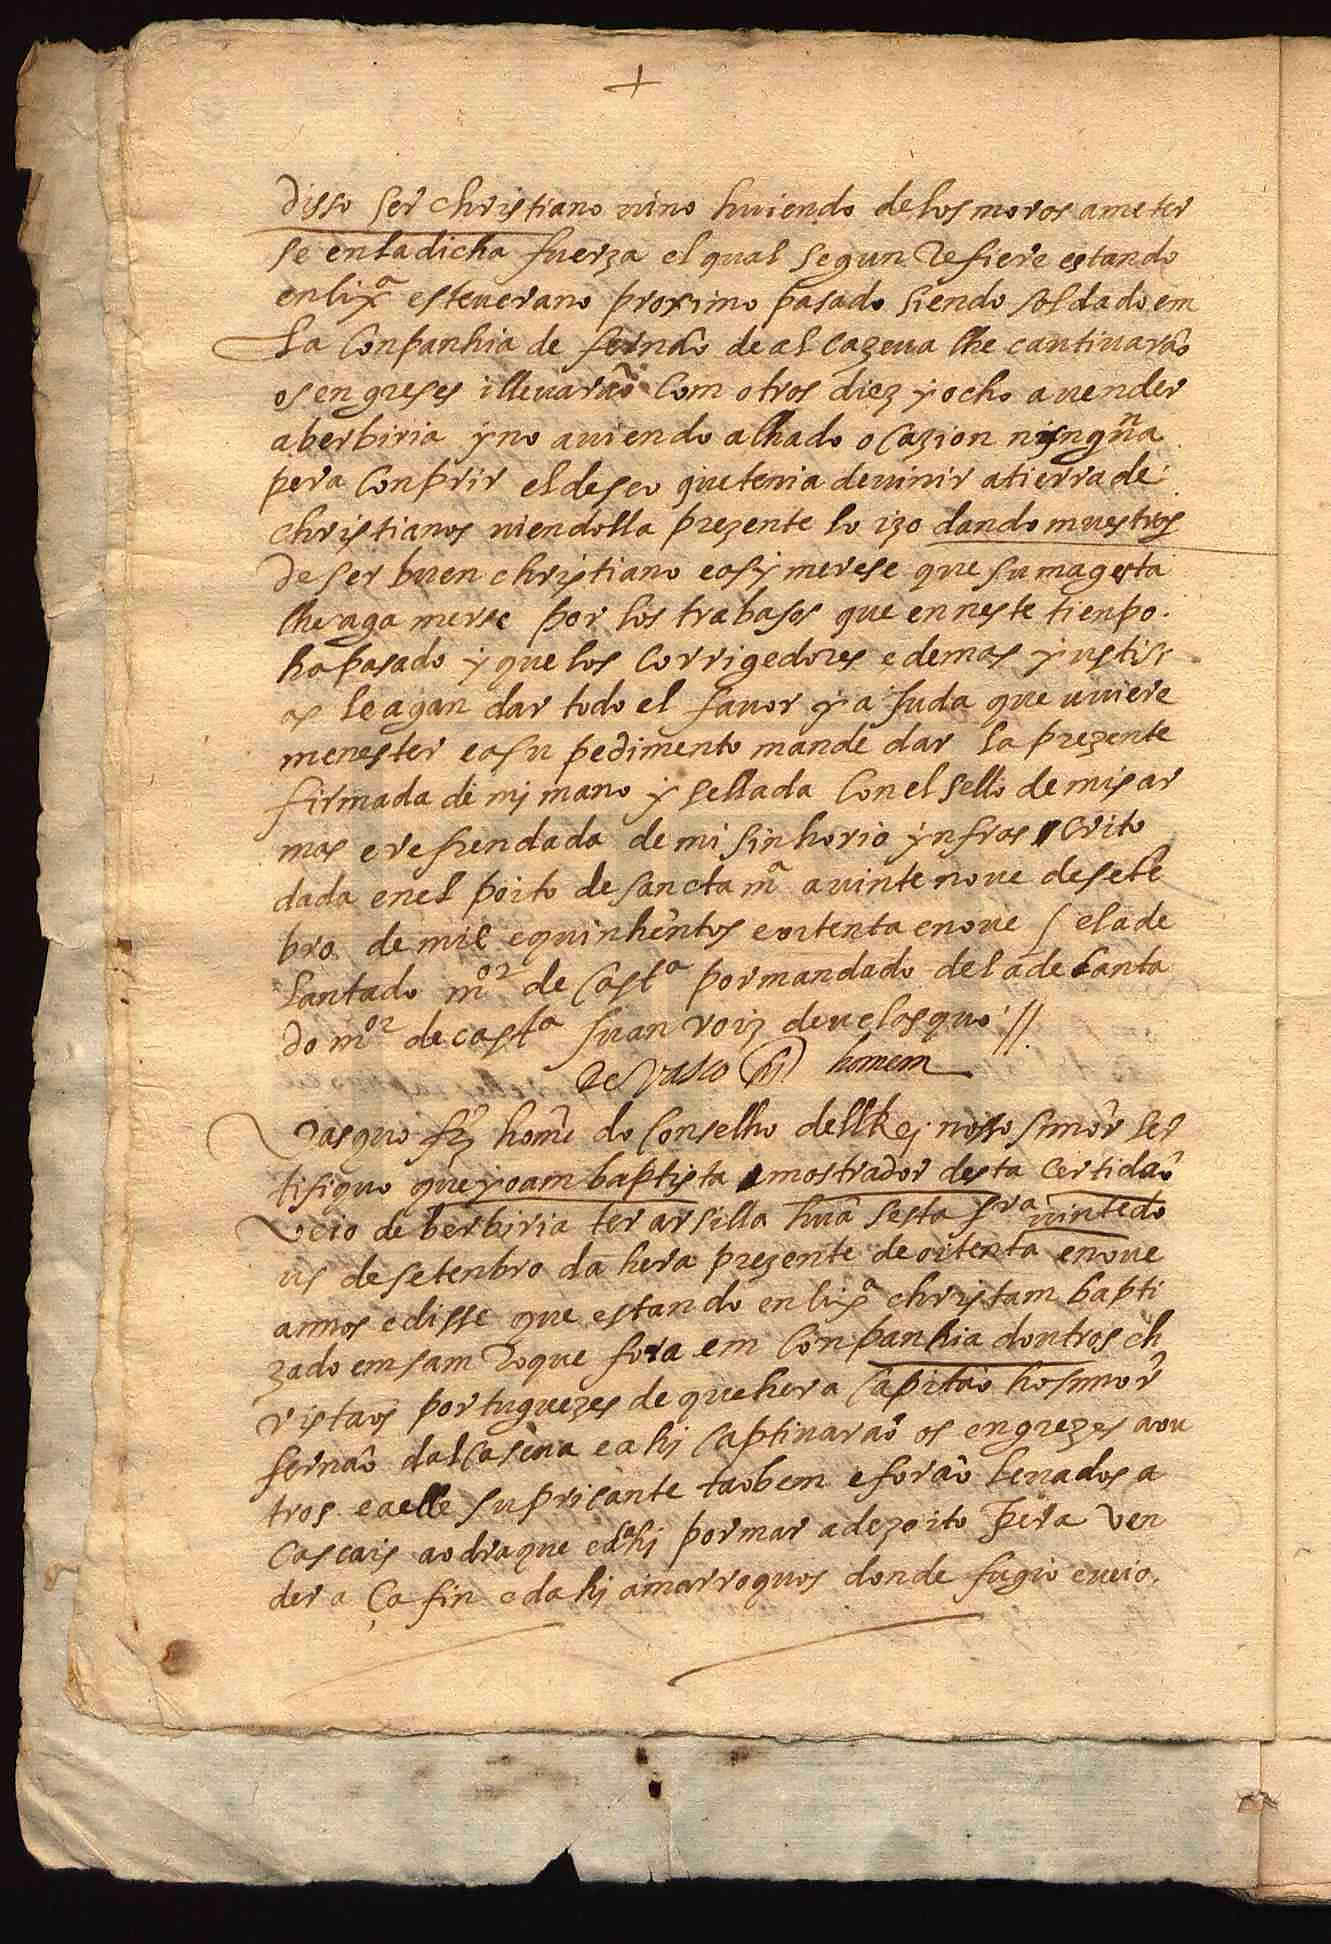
disso ser christiano uino huiendo de los moros a meter
se en la dicha fuerza el qual segun Refiere estando
em lixa este uerano proximo pasado siendo soldado em
la Conpanhia de fernão de alcazeua lhe cautiuarão
os engreses i lleuarão com otros diez y ocho a uender
a berbiria y no auiendo alhado oCazion nynguna
pera conprir el deseo que tenia de uinir a tierra de
christianos uiendolla prezente lo izo dando muestras
de ser bueno christiano e asy merese que su magesta
lhe aga merse por los trabajos que en neste tienpo
ha pasado y que los corrigedores e demas yustiss
as le agan dar todo el fauor y aJuda que uuiere
menester e a su pedimento mande dar la prezente
firmada de mj mano y sellada Con el sello de mis ar
mas e refrendada de mi sinhorio ynfras _crito
dada en el poito de sancta ma a uinte noue de setē
bro de mil e quinhēntos e oitenta e noue / el ade
lantado mor de Casta por mandado del adelanta
do mor de casta Juan roiz de uelasquo. //.
De Vasco frz̄ homem
Vasquo frz̄ homē do Conselho dell Rej nosso senor̄ ser
tifiquo que yoam baptista _mostrador desta certidaõ
veio de berbiria ter arsilla huā sesta fra uinte do
us de setenbro da hera prezente de oitenta e noue
annos e disse que estando en lixa christam bapti
zado em sam Roque fora em Conpanhia doutros ch
ristaos portuguezes de que hera Capitao ho senor̄
fernaõ dalcaseua e ahi Captiuaraõ os engrezes a ou
tros e a elle supricante taobem e forão leuados a
Cascais ao draque e dahj por mar a dezoito pera ven
der a Çafin e dahj a marroquos donde fugio e ueio.
